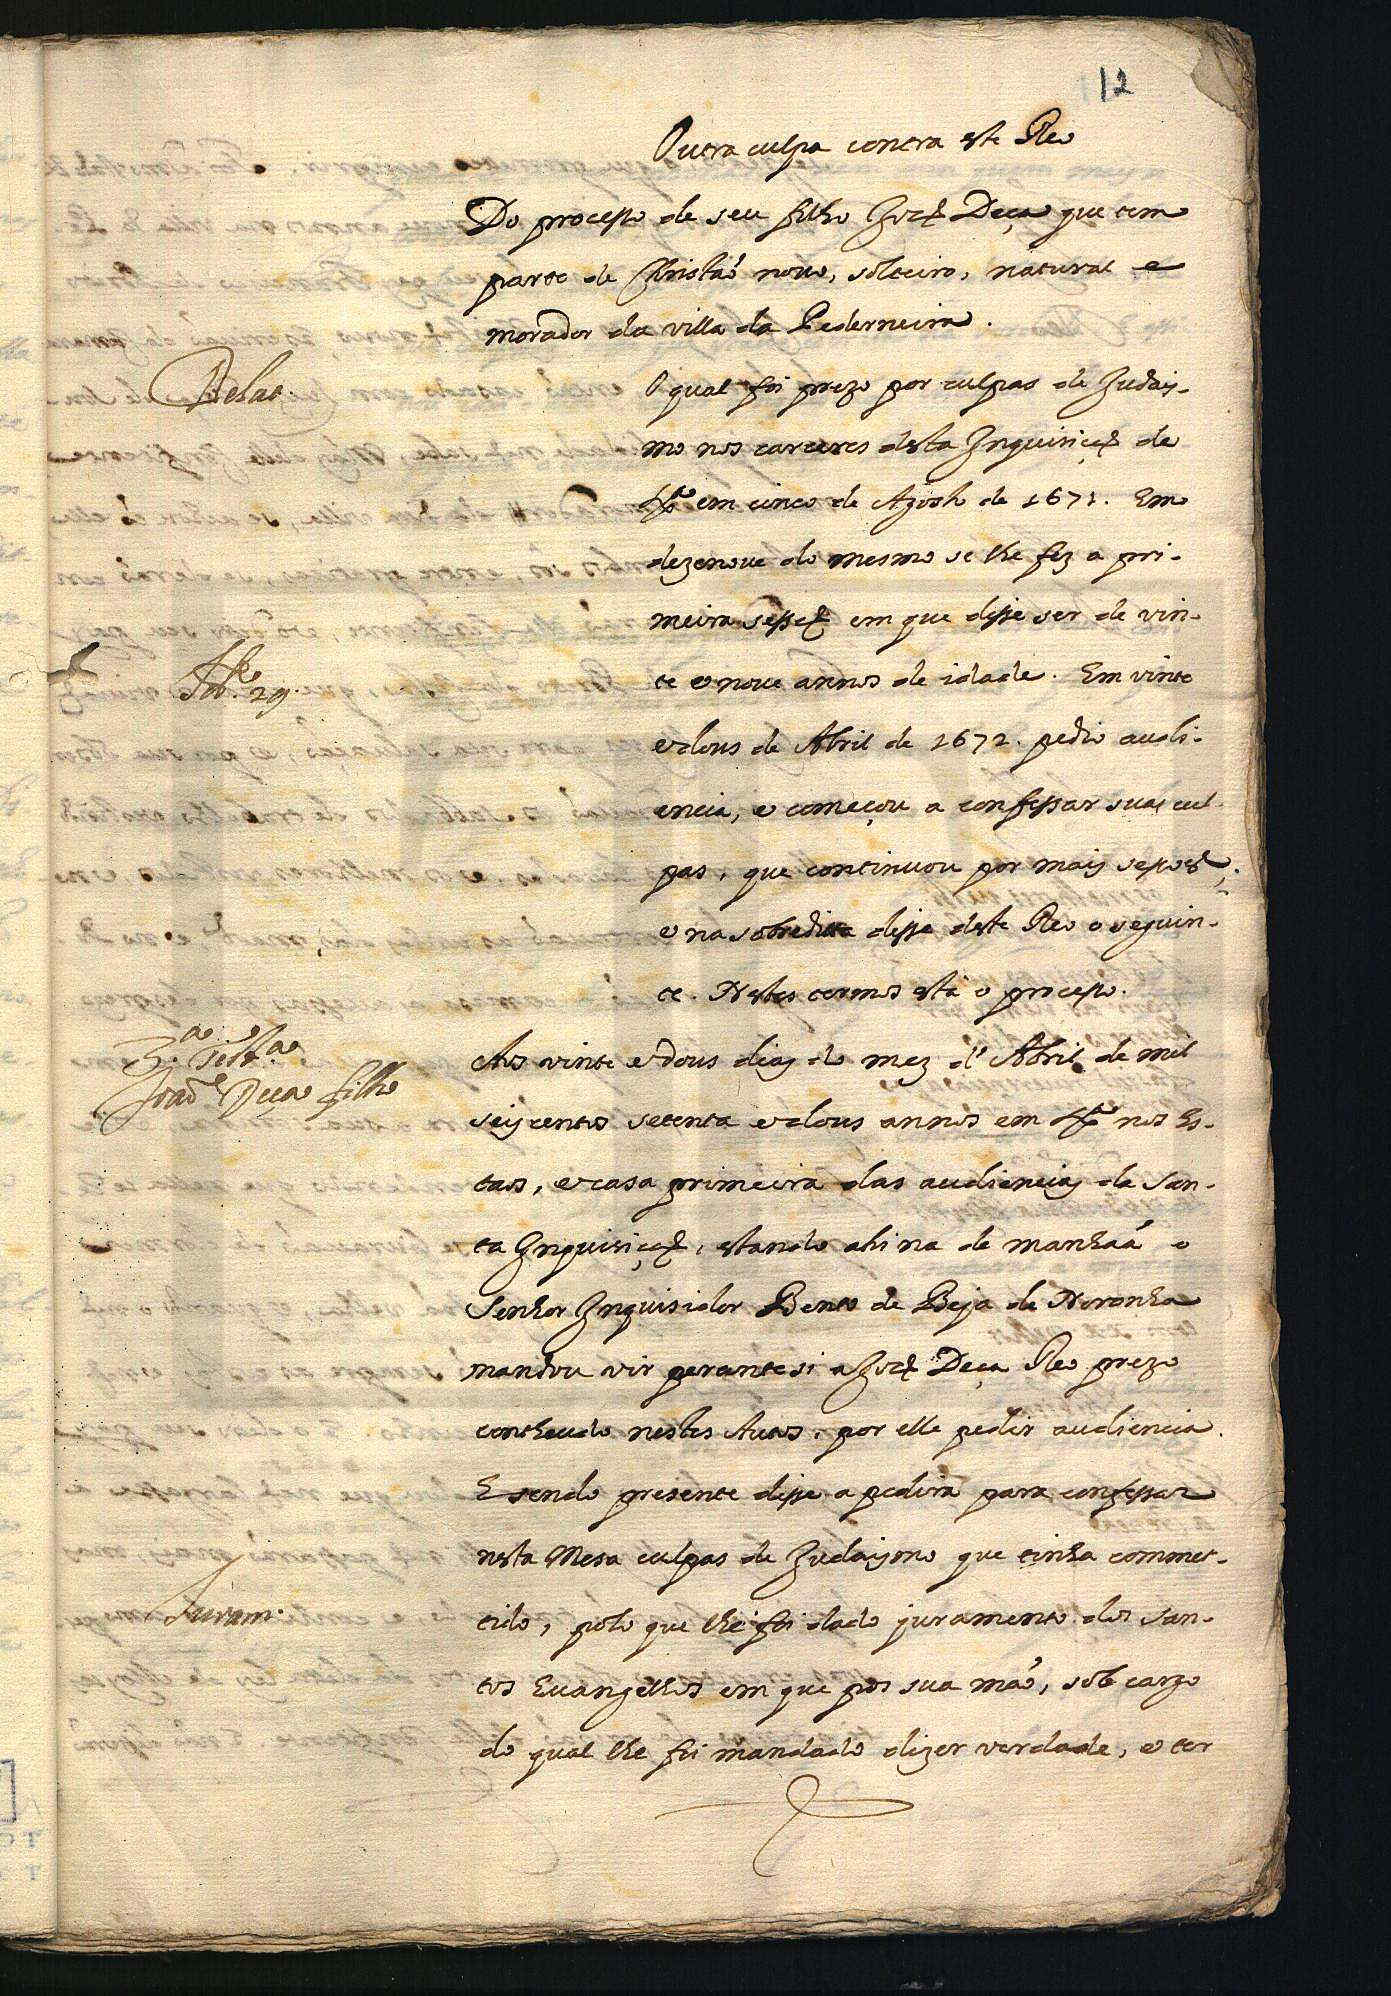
Outra culpa contra este Reo
Do processo de seu filho Joaõ Deça que tem
parte de Christaõ nouo, solteiro, natural e
morador da villa da Pederneira
O qual foi prezo por culpas de Judais
Delat.
mo nos carceres desta Jnquisiçaõ de
Lxa em cinco de Agosto de 1671. Em
dezenoue do mesmo se lhe fez a pri
meira sessaõ em que disse ser de vin
te e noue annos de idade. Em vinte
Id.e 29.
e dous de Abril de 1672. pedio audi
encia, e começou a confessar suas cul
pas, que continuou por mais sessoẽs,
e na sobreditta disse deste Reo o seguin
te. Nestes termos està o processo.
3.a Test.a
Joaõ Deça filho
Aos vinte e dous dias do mez d'Abril de mil
seiscentos setenta e dous annos em Lxa nos Es
taos, e casa primeira das audiencias da san
ta Jnquisiçaõ, estando ahi na de manhaā o
Senhor Jnquisidor Bento de Beja de Noronha
mandou vir perante si a Joaõ Deça Reo prezo
contheudo nestes Autos, por elle pedir audiencia.
E sendo presente disse a pedira para confessar
nesta Mesa culpas de Judaismo que tinha commet
Iuram.
tido, polo que lhe foi dado juramento dos san
tos Euangelhos em que pos sua maõ, sob cargo
do qual lhe foi mandado dizer verdade, e ter
